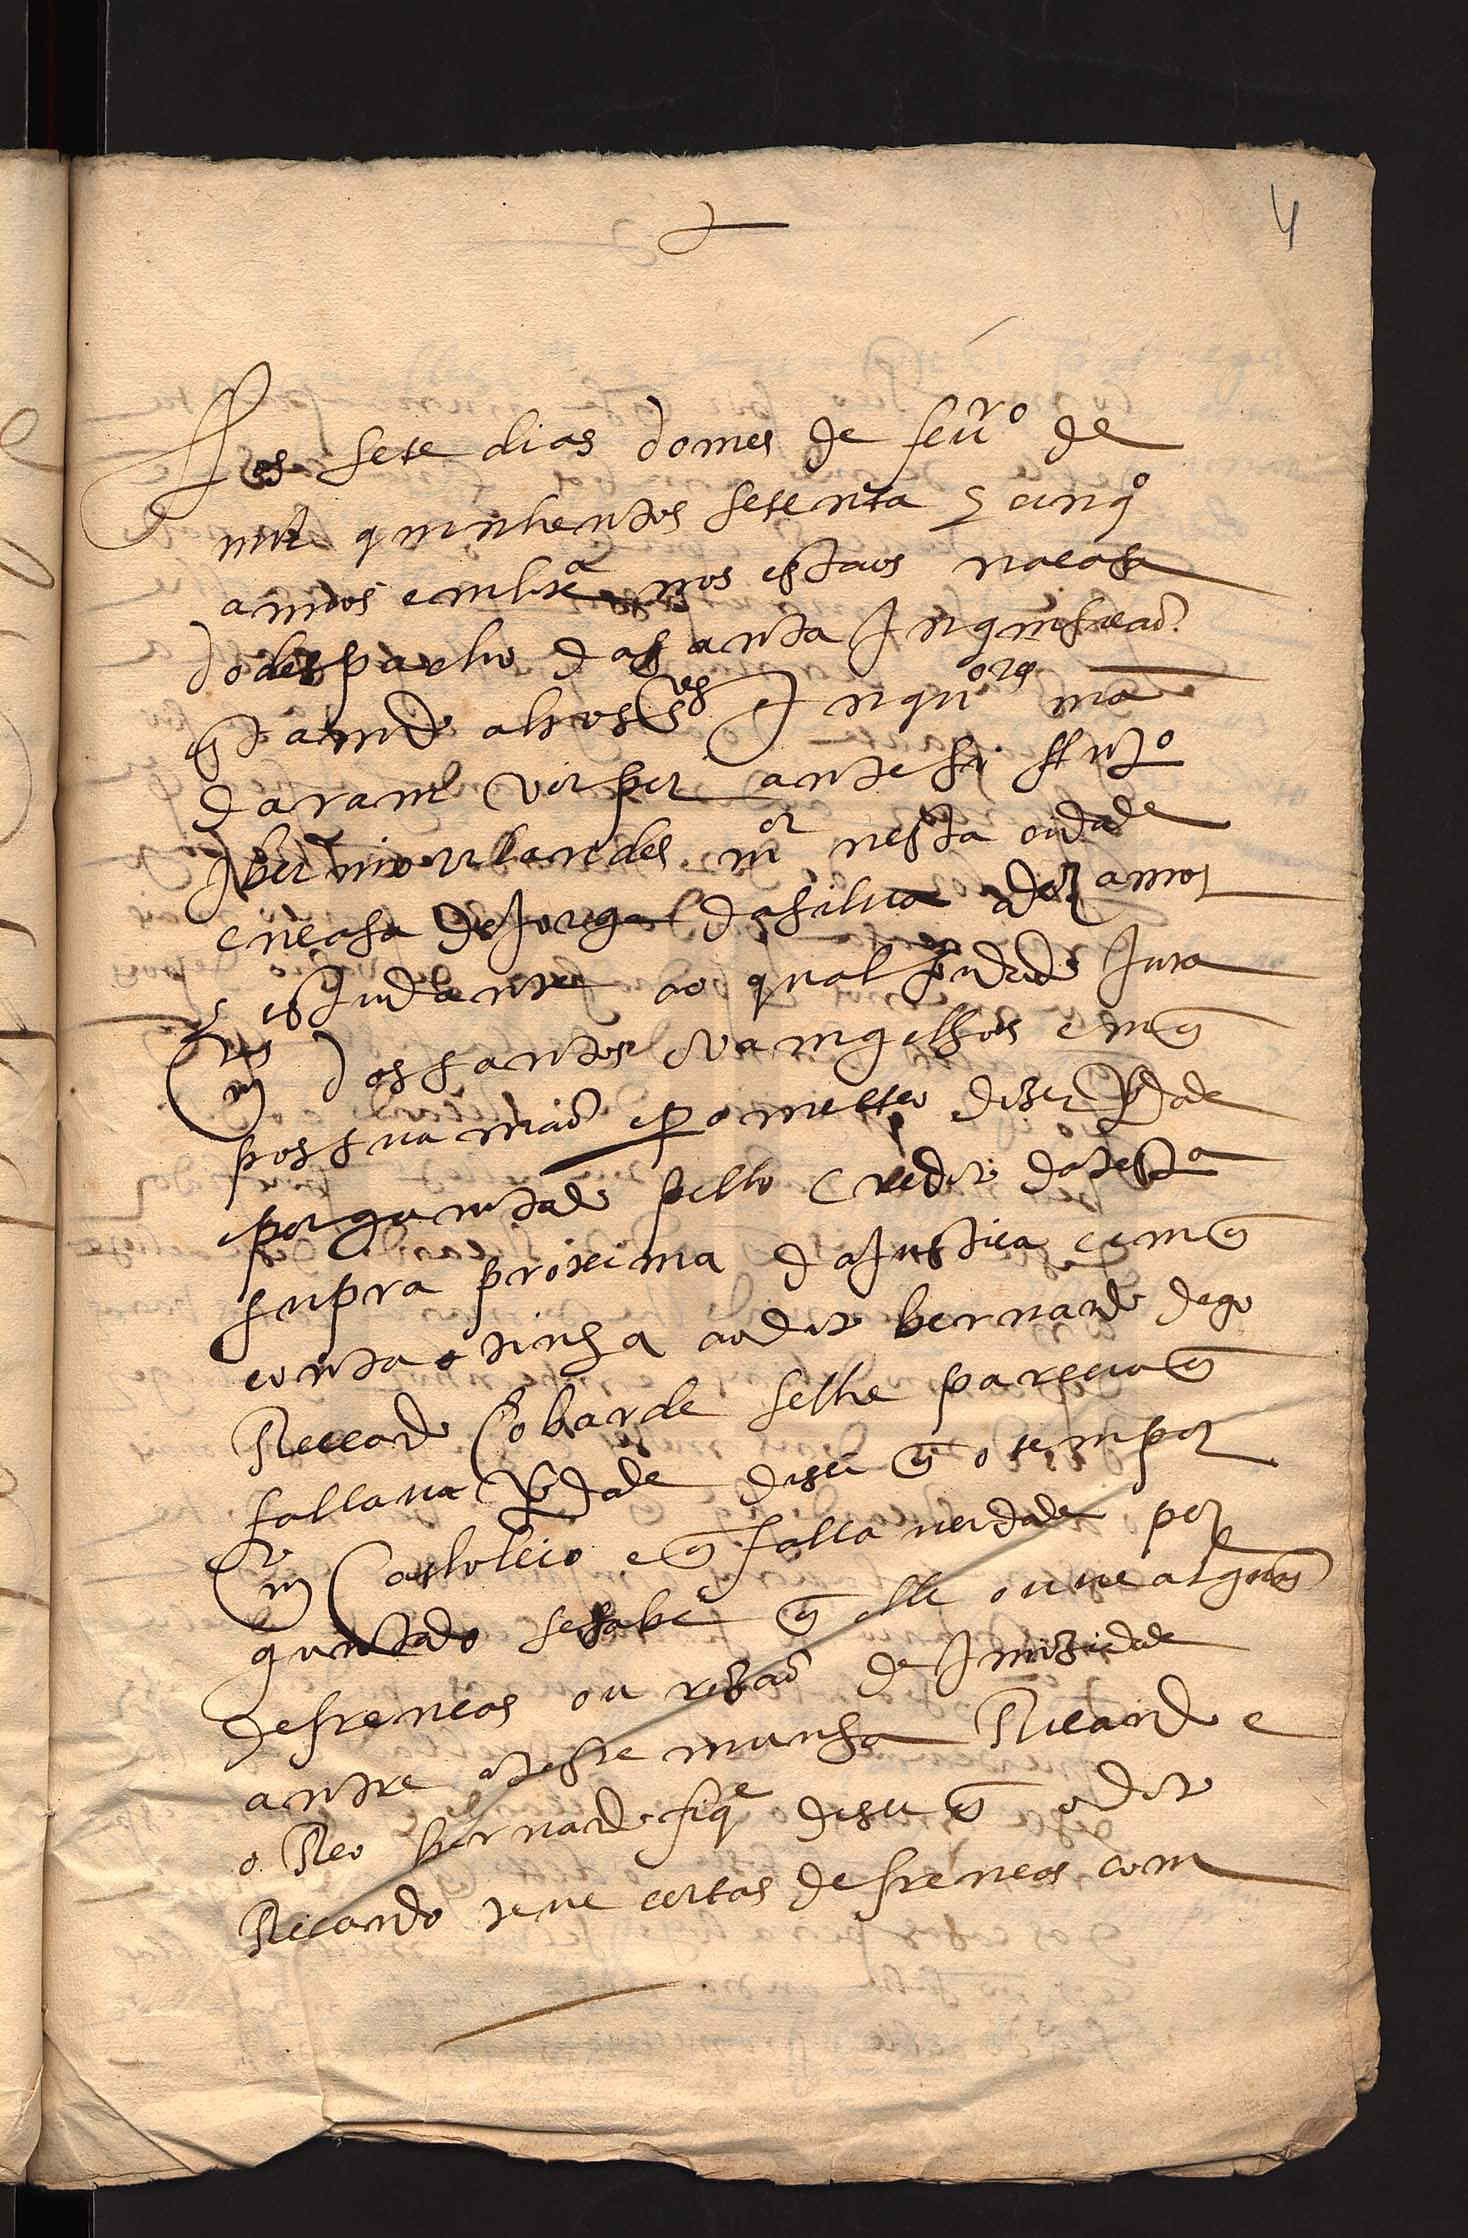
Aos sete dias do mes de feuro de
mil quinhentos setenta E cinqo
annos em lixa nos estaos na casa
do despacho da santa Jnquisiçaõ
estamdo ali os sres Jnquores mā
daram vir perante sy Anto
Jbernio irlandes mor nesta cidade
en casa de Jorge da silua a dez annos
E estudante ao qual foi dado Jura
mto dos santos evamgelhos em q̄
pos sua maõ e ꝓometteo dizer ꝟdade
e pergumtado pello credito da testa
supra proxima da Justiça e em q̄
conta o tinha ao dito bernardo digo
Reccardo Cobarde se lhe parecia q̄
fallaua ꝟdade disse q̄ o tem por
mto Catholico e q̄ falla uerdade per
guntado se sabe q̄ elle ouue alguās
defrenças ou rezaõ de Jmizidade
antre a testemunha Ricardo e
o Reo Bernardo fiqe disse q̄ o dito
Ricardo teue certas defrenças com
